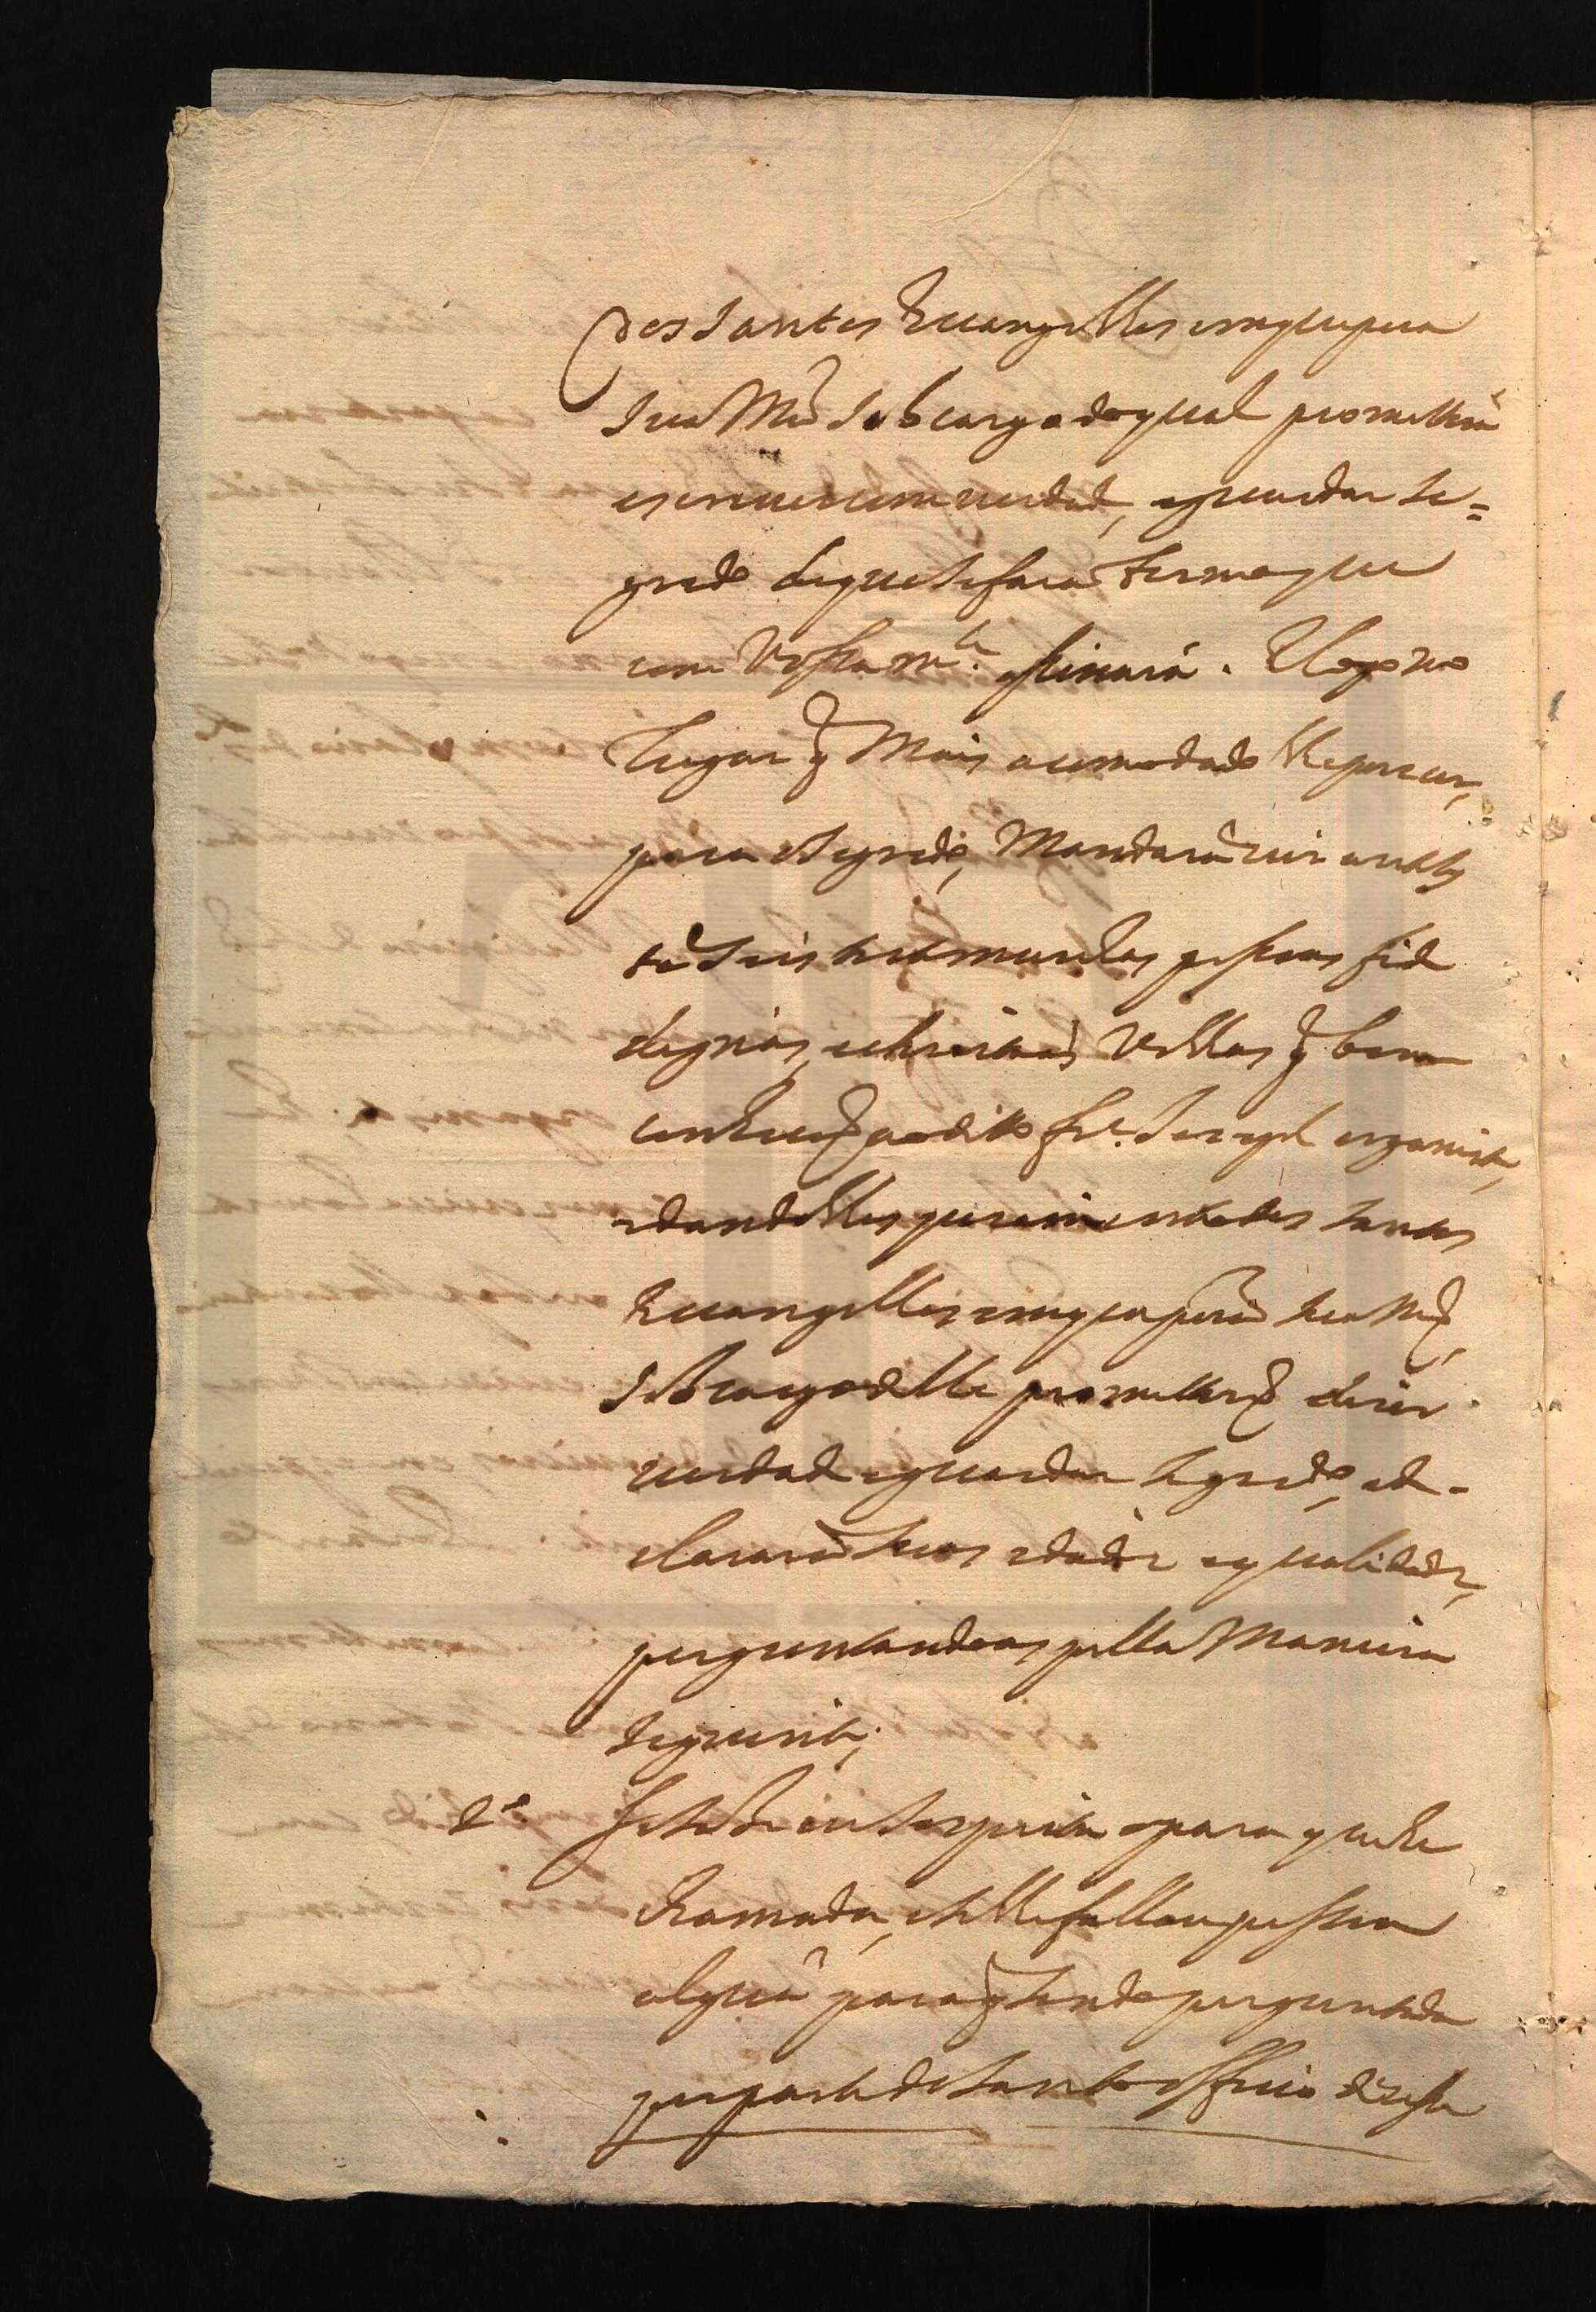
dos santos Euangelhos em que pos
sua maõ sob cargo do qual prometterā
escreuer com uerdade, e guardar se
gredo do qual faraõ termo que
com Vossa m.ce assinará. E logo no
lugar q̄ mais acomodado lhe parecer,
para o segredo, mandarā uir ante sy
te seis tetemunhas pessoas fide
dignas, e christaās velhas q̄ bem
conheçaõ ao dito fr.e Iozeph organista,
e dandolhes juramento dos santos
Euangelhos em que poraõ sua maõ
sob cargo delle prometteraõ dizer
uerdade e guardar segredo, e de
clararaõ suas idade e qualidade,
perguntandoas pella maneira
seguinte;
2o Se sabe ou sospeita o para que he
chamada, e se lhe fallou pessoa
alguā para q̄ sendo perguntada
por parte do Santo officio dicesse
